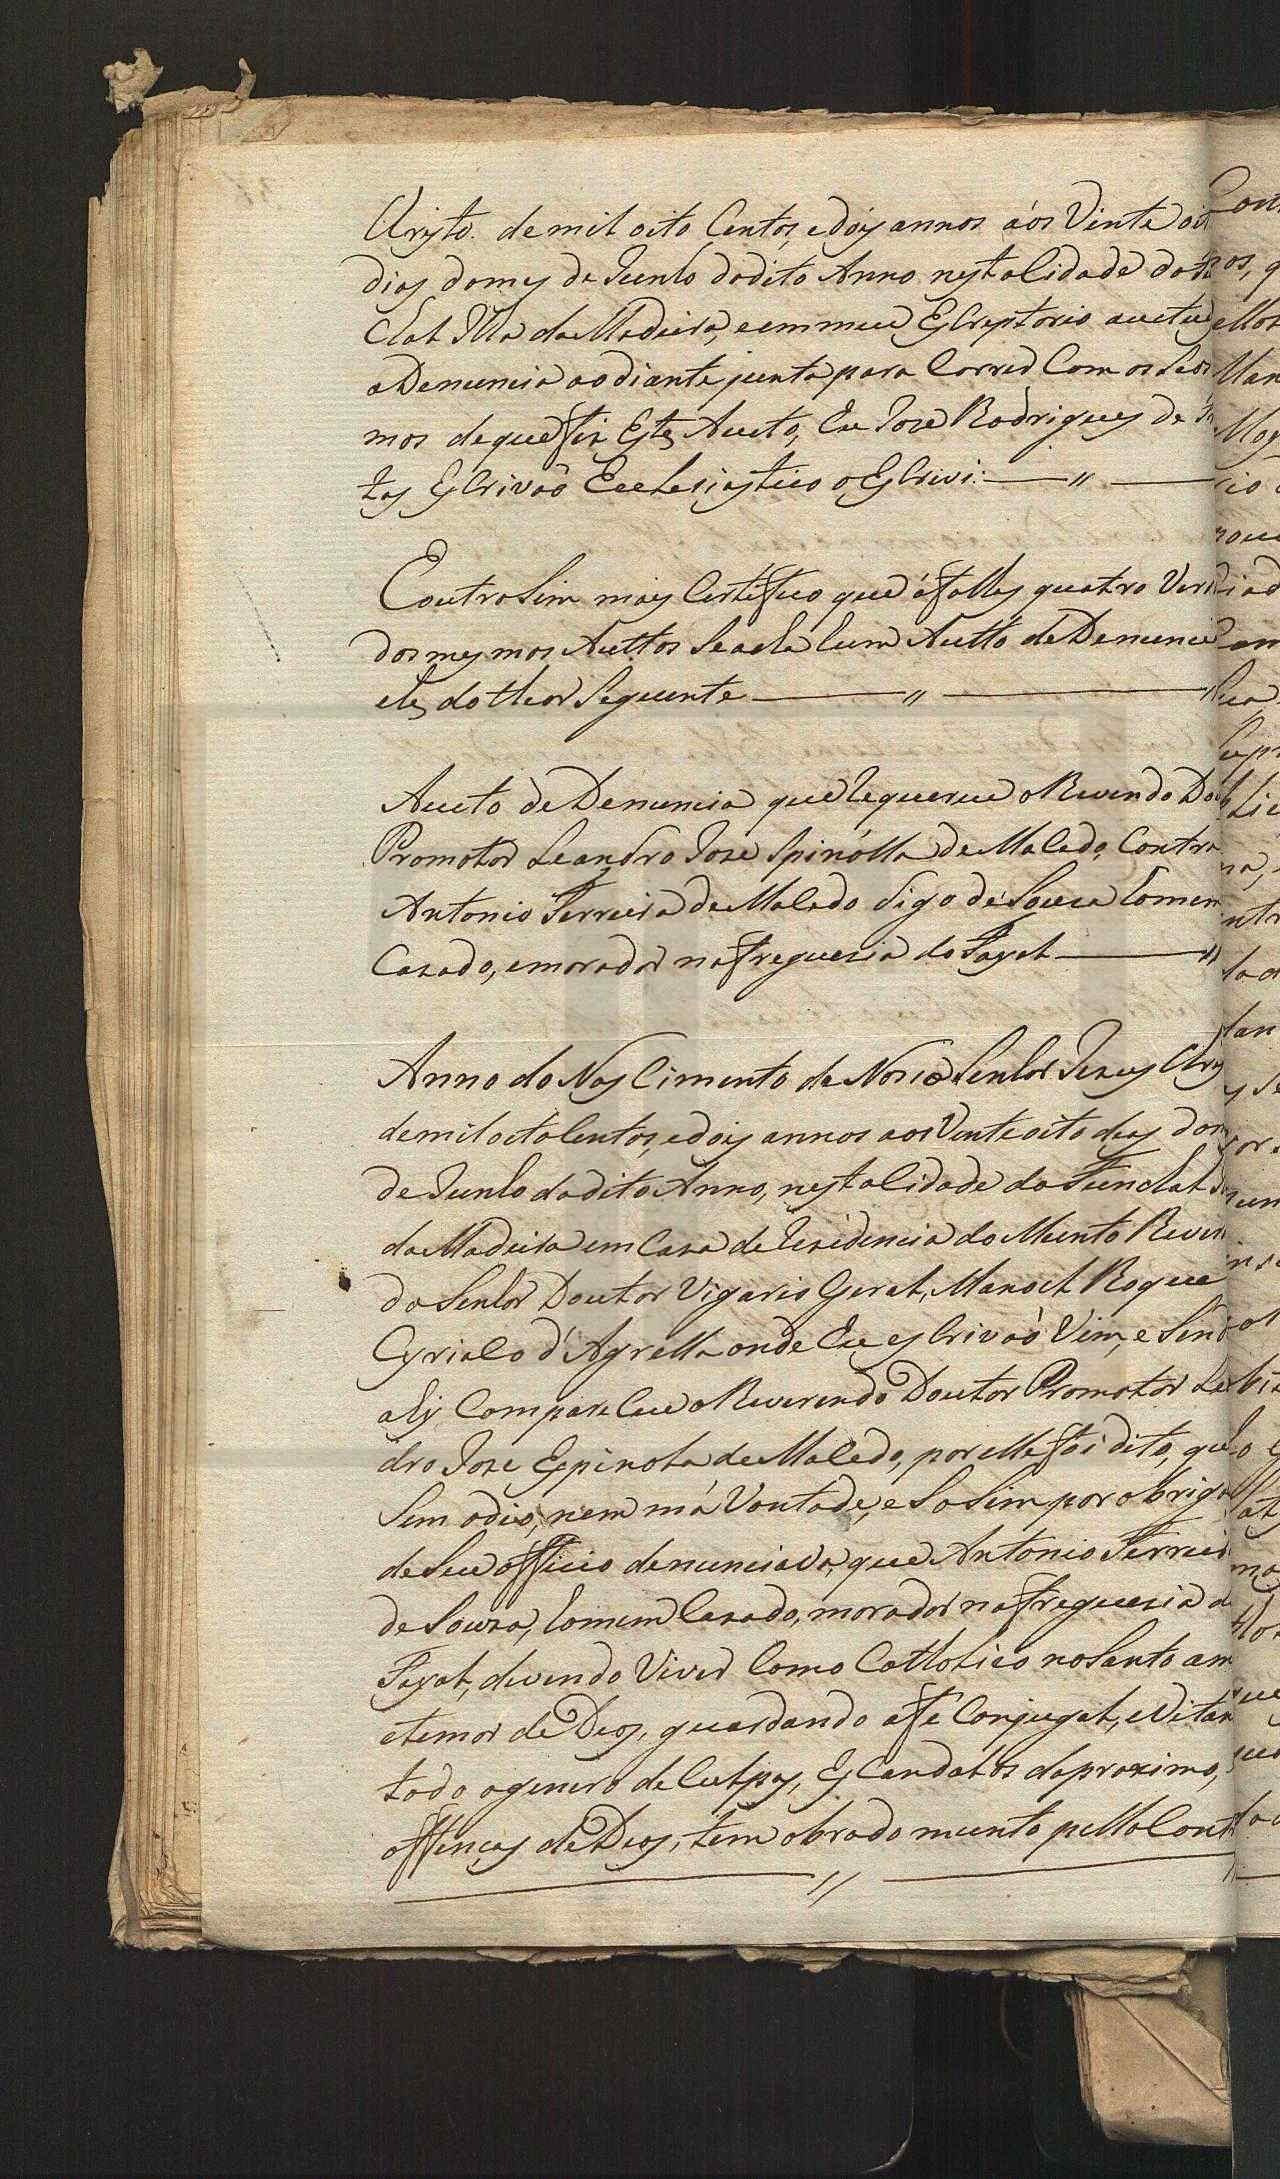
Christo de mil oitoCentos, e dois annos áos Vinte oi
dias do mes de Iunho do dito Anno nesta Cidade do
chal Ilha da Madeira, e em meu EsCriptorio auctu
a Denuncia aodiante junta para Correr Com os seos
mos de que fiz Este Aucto, Eu Ioze Rodrigues do
tas EsCrivaõ Ecclesiastico o EsCrivi.
E outroSim mais Certifico que á folhas quatro Vers
dos mesmo Auttos Se acha hum Autto de Denunci
ele do theor Seguinte
Aucto de Denuncia que Requereu o Revendo Do
Promotor Leandro Ioze Spinolla de MaCedo, Contra
Antonio Ferreira de MaCedo digo de Souza homem
Cazado, e morador na freguezia do Fayal
Anno do NasCimento de Nosso Senhor Iezus Chris
de mil oitoCentos, e dois annos aos Vinte oito dias do
de Iunho do dito Anno, nesta Cidade do Funchal
da Madeira em Caza de Rezidencia do Munto Rever
do Senhor Doutor Vigario Geral, Manoel Roque
CyriaCo d'Agrella onde Eu esCrivaõ Vim, e Sen
ahy CompareCeu o Reverendo Doutor Promotor Le
dro Ioze Espinola de MaCedo, por elle foi dito, qu
Sem odio, nem má Vontade, e So Sim por obrig
de Seu officio denunciava, que Antonio Ferreir
de Souza, homem Cazado, morador na freguezia d
Fayal, devendo Viver como Catholico no Santo am
e temor de Deos, guardando a fe Conjugal, eVitan
todo o genero de Culpas, EsCandalos do proximo,
offenças de Deos, tem obrado munto pello Cont
